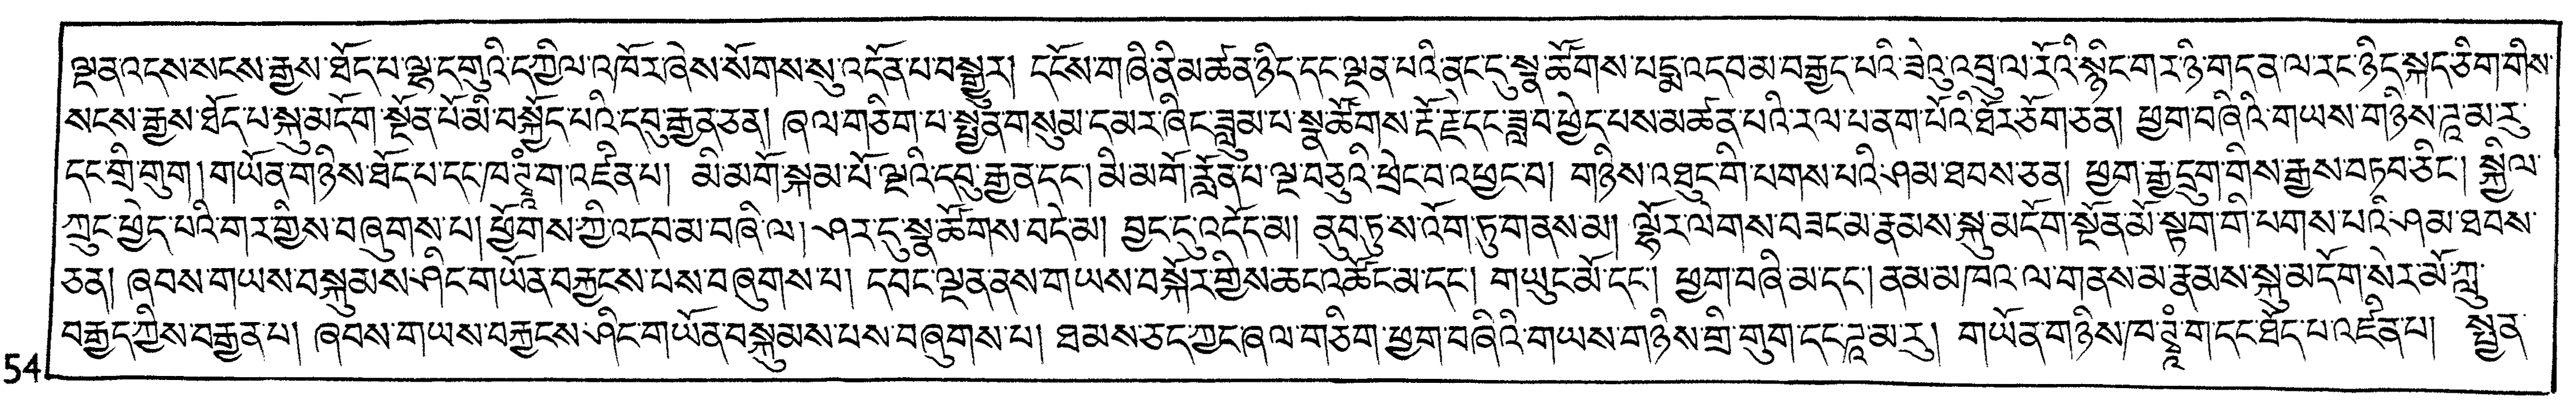ལྡན་འདས་སངས་རྒྱས་ཐོད་པ་ལྷ་དགུའི་དཀྱིལ་འཁོར་ཞེས་སོགས་སུ་འདོན་པ་བསྒྱུར། དངོས་གཞི་ནི་མཚན་ཉིད་དང་ལྡན་པའི་ནང་དུ་སྣ་ཚོགས་པདམ་འདབ་མ་བརྒྱད་པའི་ཟེའུ་འབྲུ་ལ་རོའི་སྙིང་གར་ཉི་གདན་ལ་རང་ཉིད་སྐད་ཅིག་གིས་
སངས་རྒྱས་ཐོད་པ་སྐུ་མདོག་སྔོན་པོ་མི་བསྐྱོད་པའི་དབུ་རྒྱན་ཅན། ཞལ་གཅིག་པ་སྤྱན་གསུམ་དམར་ཞིང་ཟླུམ་པ་སྣ་ཚོགས་རྡོ་རྗེ་དང་ཟླ་བ་ཕྱེད་པས་མཚན་པའི་རལ་པ་ནག་པོའི་ཐོར་ཅོག་ཅན། ཕྱག་བཞིའི་གཡས་གཉིས་ཌཱ་མ་རུ་
དང་གྲི་གུག །གཡོན་གཉིས་ཐོད་པ་དང་ཁ་ཊྭཱཾ་ག་འཛིན་པ། མི་མགོ་སྐམ་པོ་ལྔའི་དབུ་རྒྱན་དང་། མི་མགོ་རློན་པ་ལྔ་བཅུའི་ཕྲེང་བ་འཕྱང་བ། གཉིས་འཐུང་གི་པགས་པའི་ཤམ་ཐབས་ཅན། ཕྱག་རྒྱ་དྲུག་གིས་རྒྱས་བཏབ་ཅིང་། སྐྱིལ་
ཀྲུང་ཕྱེད་པའི་གར་གྱིས་བཞུགས་པ། ཕྱོགས་ཀྱི་འདབ་མ་བཞི་ལ། ཤར་དུ་སྣ་ཚོགས་བདེ་མ། བྱང་དུ་འདོད་མ། ནུབ་ཏུ་ས་འོག་ཏུ་གནས་མ། ལྷོར་ལེགས་བཟང་མ་རྣམས་སྐུ་མདོག་སྔོན་མོ་སྟག་གི་པགས་པའི་ཤམ་ཐབས་
ཅན། ཞབས་གཡས་བསྐུམས་ཤིང་གཡོན་བརྐྱངས་པས་བཞུགས་པ། དབང་ལྡན་ནས་གཡས་བསྐོར་གྱིས་ཆང་འཚོང་མ་དང་། གཡུང་མོ་དང་། ཕྱག་བཞི་མ་དང་། ནམ་མཁའ་ལ་གནས་མ་རྣམས་སྐུ་མདོག་སེར་མོ་ཀླུ་
བརྒྱད་ཀྱིས་བརྒྱན་པ། ཞབས་གཡས་བརྐྱངས་ཤིང་གཡོན་བསྐུམས་པས་བཞུགས་པ། ཐམས་ཅད་ཀྱང་ཞལ་གཅིག་ཕྱག་བཞིའི་གཡས་ཨཱུགཉིས་གྲི་གུག་དང་ཌཱ་མ་རུ། གཡོན་གཉིས་ཁ་ཊྭཱཾ་ག་དང་ཐོད་པ་འཛིན་པ། སྤྱན་